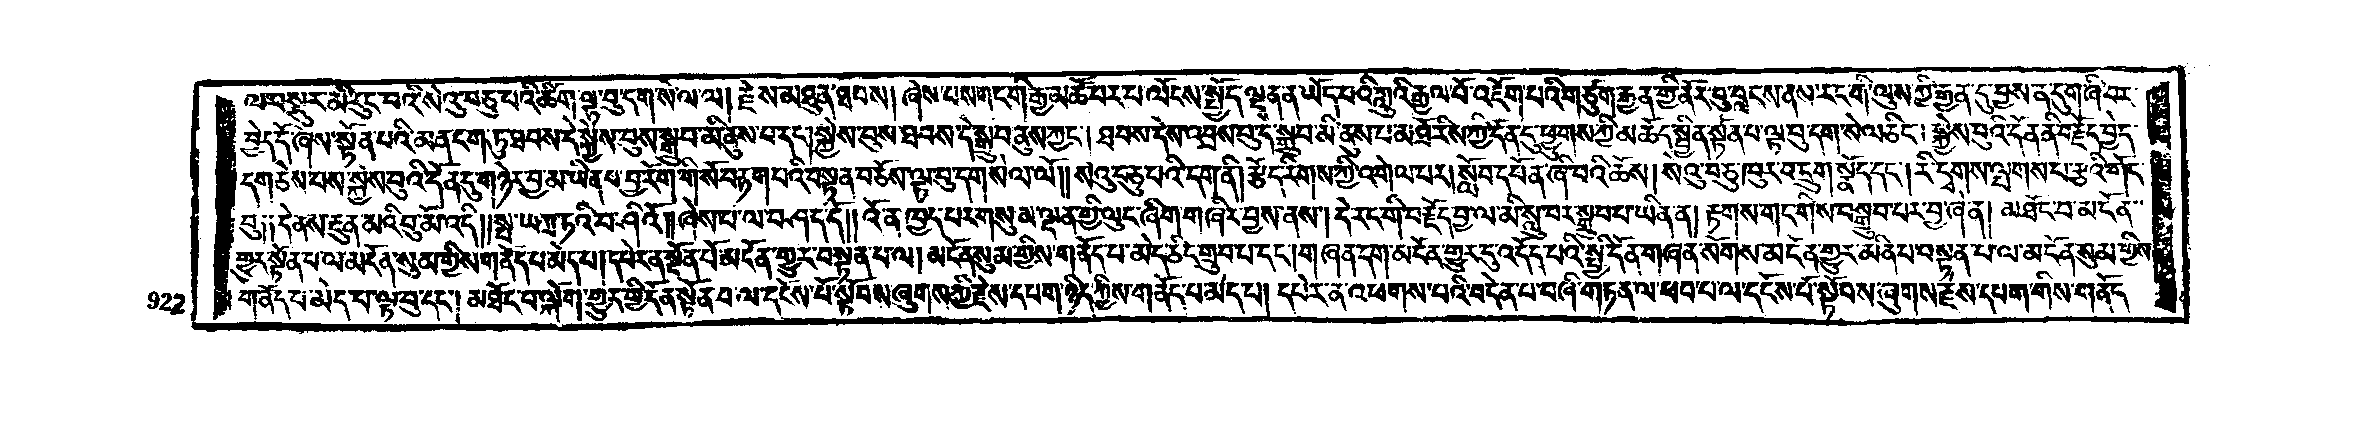ལ་བསྡུར་མི་རུང་བའི་སེའུ་བཅུ་པའི་ཚིག་ལྟ་བུ་དག་སེལ་ལ། རྗེས་མཐུན་ཐབས། ཞེས་པས་གང་གི་རྒྱ་མཚོ་བར་པ་ལོངས་སྤྱོད་ལྡན་ན་ཡོད་པའི་ཀླུའི་རྒྱལ་པོ་འཇོག་པའི་གཙུག་རྒྱན་གྱི་ནོར་བུ་བླངས་ནས་རང་གི་ལུས་ཀྱི་རྒྱན་དུ་བྱས་ན་དུག་ཞི་བར་
བྱེད་དོ་ཞེས་སྟོན་པའི་མན་ངག་ཏུ་ཐབས་དེ་སྐྱེས་བུས་སྒྲུབ་མི་ནུས་པ་དང་། སྐྱེས་བུས་ཐབས་དེ་སྒྲུབ་ནུས་ཀྱང་། ཐབས་དེས་འབྲས་བུ་དེ་སྒྲུབ་མི་ནུས་པ་མཐོ་རིས་ཀྱི་དོན་དུ་ཕྱུགས་ཀྱི་མཆོད་སྦྱིན་སྟོན་པ་ལྟ་བུ་དག་སེལ་ཅིང་། སྐྱེས་བུའི་དོན་ནི་བརྗོད་བྱེད་
དག་ཅེས་པས་སྐྱེས་བུའི་དོན་དུ་གཉེར་བྱ་མ་ཡིན་པ་བྱ་རོག་གི་སོ་བརྟག་པའི་བསྟན་བཅོས་ལྟ་བུ་དག་སེལ་ལོ། །སེའུ་བཅུ་པའི་དག་ནི། རྩོད་རིགས་ཀྱི་འགེལ་པར། སློབ་དཔོན་ཞི་བའི་ཆོས། སེའུ་བཅུ་ཁུར་བ་དྲུག་སྣོད་དང་། རི་དྭགས་ལྤགས་པ་རྩའི་གོང་
བུ༑ ༑དེ་ནས་རྡུན་མའི་བུ་མོ་འདི། །སྤ་ཡྐྲ་ཏའི་བ་ཤིའོ། །ཞེས་པ་ལ་བཤད་དོ། །འོ་ན་ཁྱད་པར་གསུམ་ལྡན་གྱི་ལུང་ཞིག་གཞིར་བྱས་ནས། དེ་རང་གི་བརྗོད་བྱ་ལ་མི་སླུ་བར་སྒྲུབ་པ་ཡིན་ན། རྟགས་གང་གིས་བསྒྲུབ་པར་བྱ་ཞེ་ན། མཐོང་བ་མངོན་
གྱུར་སྟོན་པ་ལ་མངོན་སུམ་གྱིས་གནོད་པ་མེད་པ། དཔེར་ན་སྔོན་པོ་མངོན་གྱུར་བསྟན་པ་ལ། མངོན་སུམ་གྱིས་གནོད་པ་མེད་ཅིང་གྲུབ་པ་དང་། གཞན་དག་མངོན་གྱུར་དུ་འདོད་པའི་སྤྱི་དོན་གཞན་སོགས་མངོན་གྱུར་མིན་པ་བསྟན་པ་ལ་མངོན་སུམ་གྱིས་
གནོད་པ་མེད་པ་ལྟ་བུ་དང་། མཐོང་བ་ལྐོག་གྱུར་གྱི་དོན་སྟོན་པ་ལ་དངོས་པོ་སྟོབས་ཞུགས་ཀྱི་རྗེས་དཔག་ཉིད་ཀྱིས་གནོད་པ་མེད་པ། དཔེར་ན་འཕགས་པའི་བདེན་པ་བཞི་གཏན་ལ་ཕབ་པ་ལ་དངོས་པོ་སྟོབས་ཞུགས་རྗེས་དཔག་གིས་གནོད་